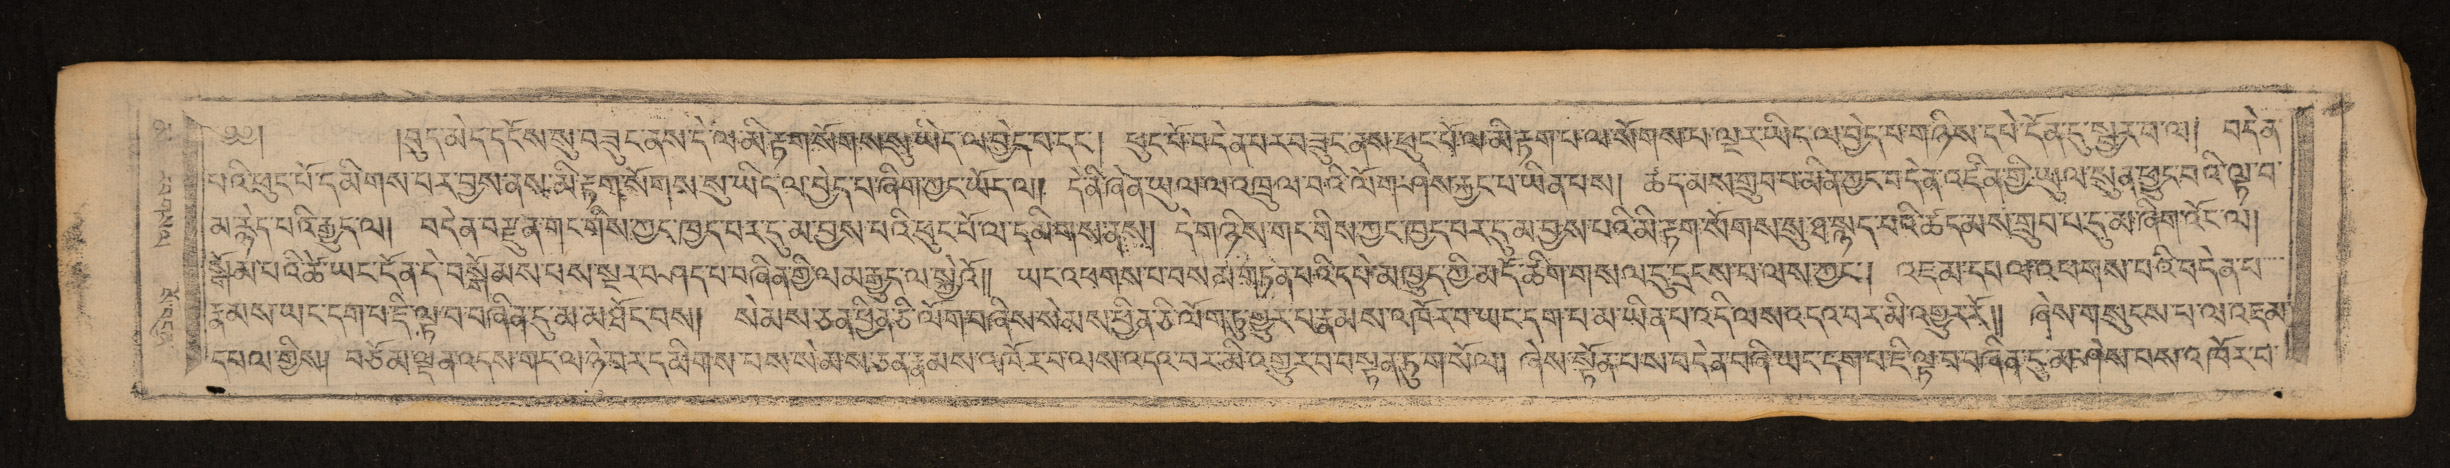༄༅། །བུད་མེད་དངོས་སུ་བཟུང་ནས་དེ་ལ་མི་རྟག་སོགས་སུ་ཡིད་ལ་བྱེད་པ་དང་། ཕུང་པོ་བདེན་པར་བཟུང་ནས་ཕུང་པོ་ལ་མི་རྟག་པ་ལ་སོགས་པ་ལྔར་ཡིད་ལ་བྱེད་པ་གཉིས་དཔེ་དོན་དུ་སྦྱར་བ་ལ། བདེན་
པའི་ཕུང་པོ་དམིགས་པར་བྱས་ནས་མི་རྟག་སོགས་སུ་ཡིད་ལ་བྱེད་པ་ཞིག་ཀྱང་ཡོད་ལ། དེ་ནི་ཞེན་ཡུལ་ལ་འཁྲུལ་བའི་ལོག་ཤེས་རྐྱང་པ་ཡིན་པས། ཚད་མས་གྲུབ་པ་མིན་ཀྱང་བདེན་འཛིན་གྱི་ཡུལ་སུན་ཕྱུང་བའི་ལྟ་བ་
མ་རྙེད་པའི་རྒྱུད་ལ། བདེན་བརྫུན་གང་གིས་ཀྱང་ཁྱད་པར་དུ་མ་བྱས་པའི་ཕུང་པོ་ལ་དམིགས་ནས། དེ་གཉིས་གང་གིས་ཀྱང་ཁྱད་པར་དུ་མ་བྱས་པའི་མི་རྟག་པ་སོགས་སུ་ཐ་སྙད་པའི་ཚད་མས་གྲུབ་པ་དུ་མ་ཞིག་འོང་ལ།
སྒོམ་པའི་ཚེ་ཡང་དོན་དེ་བསྒོམས་པས་སྔར་བཤད་པ་བཞིན་གྱི་ལམ་རྒྱུད་ལ་སྐྱེའོ།། ཡང་འཕགས་པ་བསམ་གཏན་པའི་དཔེ་མཁྱུད་ཀྱི་མདོ་ཚིག་གསལ་དུ་དྲངས་པ་ལས་ཀྱང་། འཇམ་དཔལ་འཕགས་པའི་བདེན་པ་
རྣམས་ཡང་དག་པ་ཇི་ལྟ་བ་བཞིན་དུ་མ་མཐོང་བས། སེམས་ཅན་ཕྱིན་ཅི་ལོག་བཞིས་སེམས་ཕྱིན་ཅི་ལོག་ཏུ་གྱུར་པ་རྣམས་འཁོར་བ་ཡང་དག་པ་མ་ཡིན་པ་འདི་ལས་འདའ་བར་མི་འགྱུར་རོ།། ཞེས་གསུངས་པ་ལ་འཇམ་
དཔལ་གྱིས། བཅོམ་ལྡན་འདས་གང་ལ་ཉེ་བར་དམིགས་པས་སེམས་ཅན་རྣམས་འཁོར་བ་ལས་འདའ་བར་མི་འགྱུར་བ་བསྟན་ཏུ་གསོལ། ཞེས་སྟོན་པས་བདེན་བཞི་ཡང་དག་པ་ཇི་ལྟ་བ་བཞིན་དུ་མ་ཤེས་པས་འཁོར་བ་